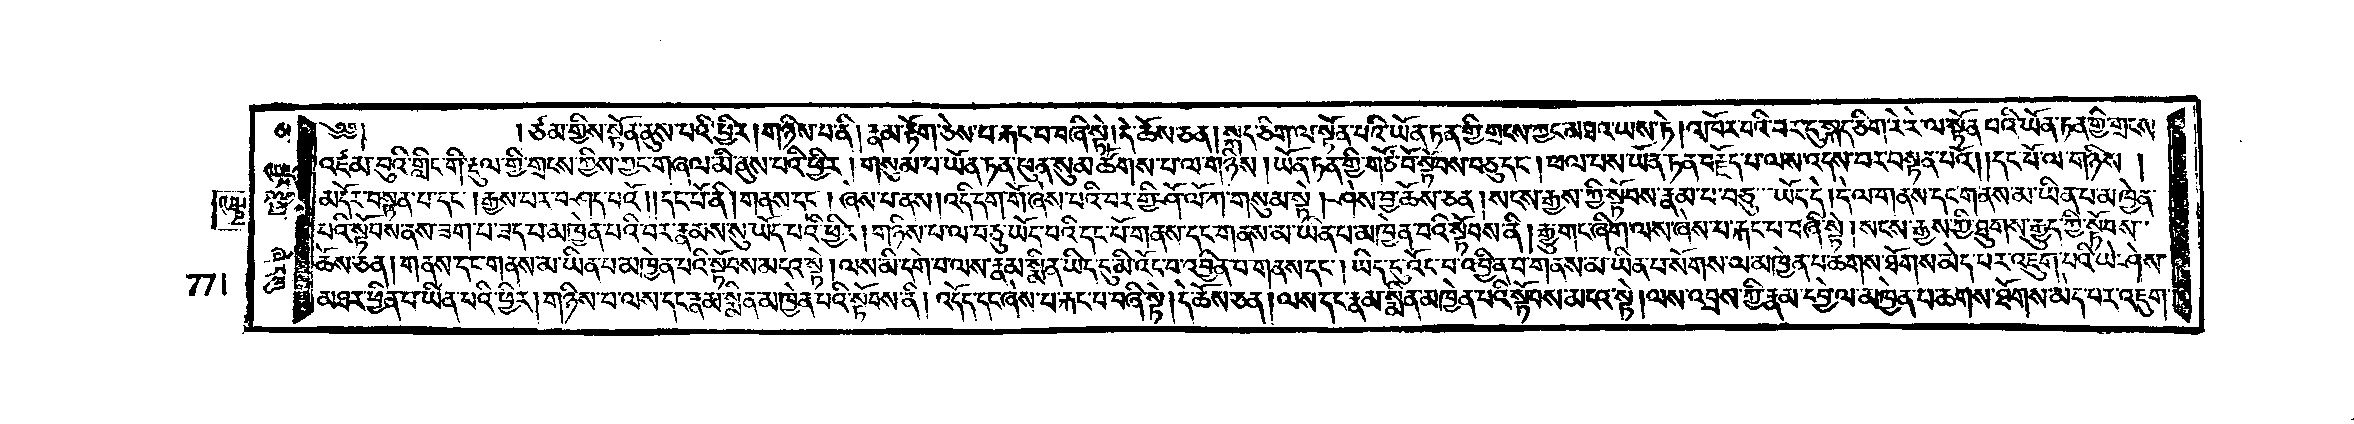༄༅། །ཙམ་གྱིས་སྟོན་ནུས་པའི་ཕྱིར། གཉིས་པ་ནི། རྣམ་རྟོག་ཅེས་པ་རྐང་པ་བཞི་སྟེ། དེ་ཆོས་ཅན། སྐད་ཅིག་ལ་སྟོན་པའི་ཡོན་ཏན་གྱི་གྲངས་ཀྱང་མཐའ་ཡས་ཏེ། འཁོར་བའི་བར་དུ་སྐད་ཅིག་རེ་རེ་ལ་སྟོན་པའི་ཡོན་ཏན་གྱི་གྲངས་
འཛམ་བུའི་གླིང་གི་རྡུལ་གྱི་གྲངས་ཀྱིས་ཀྱང་གཞལ་མི་ནུས་པའི་ཕྱིར། གསུམ་པ་ཡོན་ཏན་ཕུན་སུམ་ཚོགས་པ་ལ་གཉིས། ཡོན་ཏན་གྱི་གཙོ་བོ་སྟོབས་བཅུ་དང་། ཕལ་པས་ཡོན་ཏན་བརྗོད་པ་ལས་འདས་པར་བསྟན་པའོ། །དང་པོ་ལ་གཉིས།
མདོར་བསྟན་པ་དང་། རྒྱས་པར་བཤད་པའོ། །དང་པོ་ནི། གནས་དང་། ཞེས་པ་ནས། འདི་དག་གོ་ཞེས་པའི་བར་གྱི་ཤོ་ལོ་ཀ་གསུམ་སྟེ། ཤེས་བྱ་ཆོས་ཅན། སངས་རྒྱས་ཀྱི་སྟོབས་རྣམ་པ་བཅུ་ཡོད་དེ། དེ་ལ་གནས་དང་གནས་མ་ཡིན་པ་མཁྱེན་
པའི་སྟོབས་ནས་ཟག་པ་ཟད་པ་མཁྱེན་པའི་བར་རྣམས་སུ་ཡོད་པའི་ཕྱིར། གཉིས་པ་ལ་བཅུ་ཡོད་པའི་དང་པོ་གནས་དང་གནས་མ་ཡིན་པ་མཁྱེན་པའི་སྟོབས་ནི། རྒྱུ་གང་ཞིག་ལས་ཞེས་པ་རྐང་པ་བཞི་སྟེ། སངས་རྒྱས་ཀྱི་ཐུགས་རྒྱུད་ཀྱི་སྟོབས་
ཆོས་ཅན། གནས་དང་གནས་མ་ཡིན་པ་མཁྱེན་པའི་སྟོབས་མངའ་སྟེ། ལས་མི་དགེ་བ་ལས་རྣམ་སྨིན་ཡིད་དུ་མི་འོང་བ་འབྱིན་པ་གནས་དང་། ཡིད་དུ་འོང་བ་འབྱིན་པ་གནས་མ་ཡིན་པ་སོགས་ལ་མཁྱེན་པ་ཆགས་ཐོགས་མེད་པར་འཇུག་པའི་ཡེ་ཤེས་
མཐར་ཕྱིན་པ་ཡིན་པའི་ཕྱིར། གཉིས་པ་ལས་དང་རྣམ་སྨིན་མཁྱེན་པའི་སྟོབས་ནི། འདོད་དང་ཞེས་པ་རྐང་པ་བཞི་སྟེ། དེ་ཆོས་ཅན། ལས་དང་རྣམ་སྨིན་མཁྱེན་པའི་སྟོབས་མངའ་སྟེ། ལས་འབྲས་ཀྱི་རྣམ་དབྱེ་ལ་མཁྱེན་པ་ཆགས་ཐོགས་མེད་པར་འཇུག་